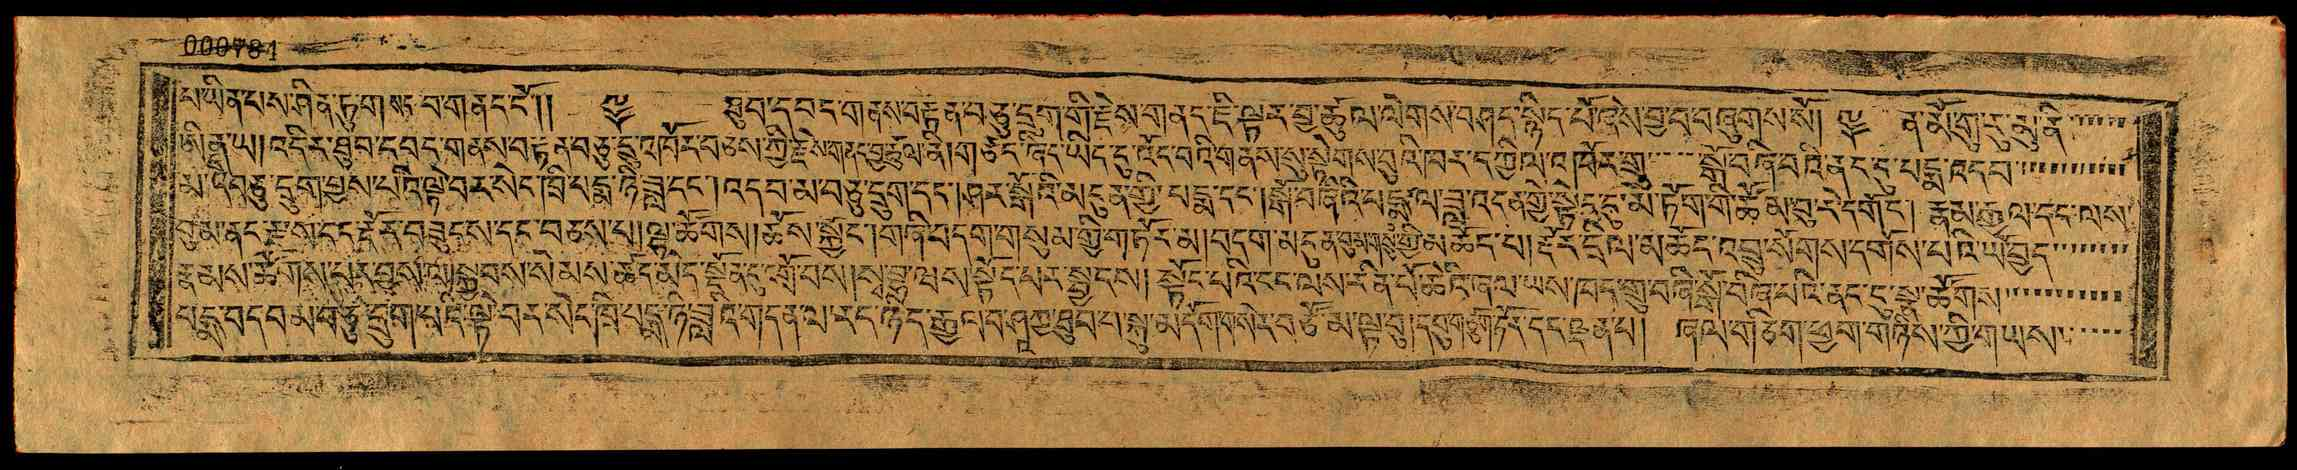༈ ཐུབ་དབང་གནས་བརྟན་བཅུ་དྲུག་གི་རྗེས་གནང་ཇི་ལྟར་བྱ་ཚུལ་ལེགས་བཤད་སྙིང་པོ་ཞེས་བྱ་བ་བཞུགས།  ༈ ན་མོ་གུ་རུ་མུ་ནི་
ཨིནྡྲ་ཡ། འདིར་ཐུང་དབང་གནས་བརྟན་བཅུ་དྲུག་འྷོར་བཅས་ཀྱི་རྗེས་གནང་བྱ་ཚུལ་ནི། གཙང་ཞིང་ཡིད་དུ་འོང་བའི་གནས་སུ་སྟེགས་བུའི་ཁར་དཀྱིལ་འཁོར་གྲུ་བཞི་པའི་ནང་དུ་པདམ་འདབ་
མ་བཅུ་དྲུག་བྱས་པའི་ལྟེ་བར་སེང་ཁྲི་པདམ་ཉི་ཟླ་དང་། འདབ་མ་བཅུ་དྲུག་དང་། ཤར་སྒོའི་མདུན་གྱི་པདམ་དང་། སྒོ་བཞིའི་པདམ་ལ་ཟླ་གདན་གྱི་སྟེང་དུ་མེ་ཏོག་སི་ཚོམ་བུ་རེ་དགོད། རྣམ་རྒྱལ་དང་ལས་
བུམ་ནང་རྫས་རྡོར་བཟུངས་དང་བཅས་པ། ལྷ་ཚོགས། ཆོས་སྐྱོང་། གཞི་བདག་གསུམ་གྱི་གཏོར་མ། བདག་མདུན་བུམ་གསུམ་གྱི་མཆོད་པ། རྡོར་དྲིལ་མཆོད་འབྲུ་སོགས་དགོས་པའི་ཡོ་བྱད་
རྣམས་ཚོགས་པར་བྱས་ལ། སྐྱབས་སེམས་ཚད་མར་སྔོན་དུ་འགྲོ་བས། སྭ་བྷཱ་ཝས་སྟོང་པར་སྦྱངས། །སྟོང་པའི་ངང་ལས་རིན་པོ་ཆེའི་གཞལ་ཡས་ཁང་གྲུ་བཞི་སྒོ་བཞི་པའི་ནང་དུ་སྣ་ཚོགས་
པདམ་འདབ་མ་བཅུ་དྲུག་པའི་སྟེ་བར་སེང་ཁྲི་པདམ་ཉི་ཟླའི་གདན་ལ་རང་ཉིད་རྒྱལ་བ་ཤཱཀྱ་ཐུབ་པ་སྐུ་མདོག་གསེར་བཙོ་མ་ལྟ་བུ། དབུ་གཙུག་ཏོར་རབ་ལྡན་པ། ཞལ་གཅིག་ཕྱག་གཉིས་ཀྱི་གཡས་